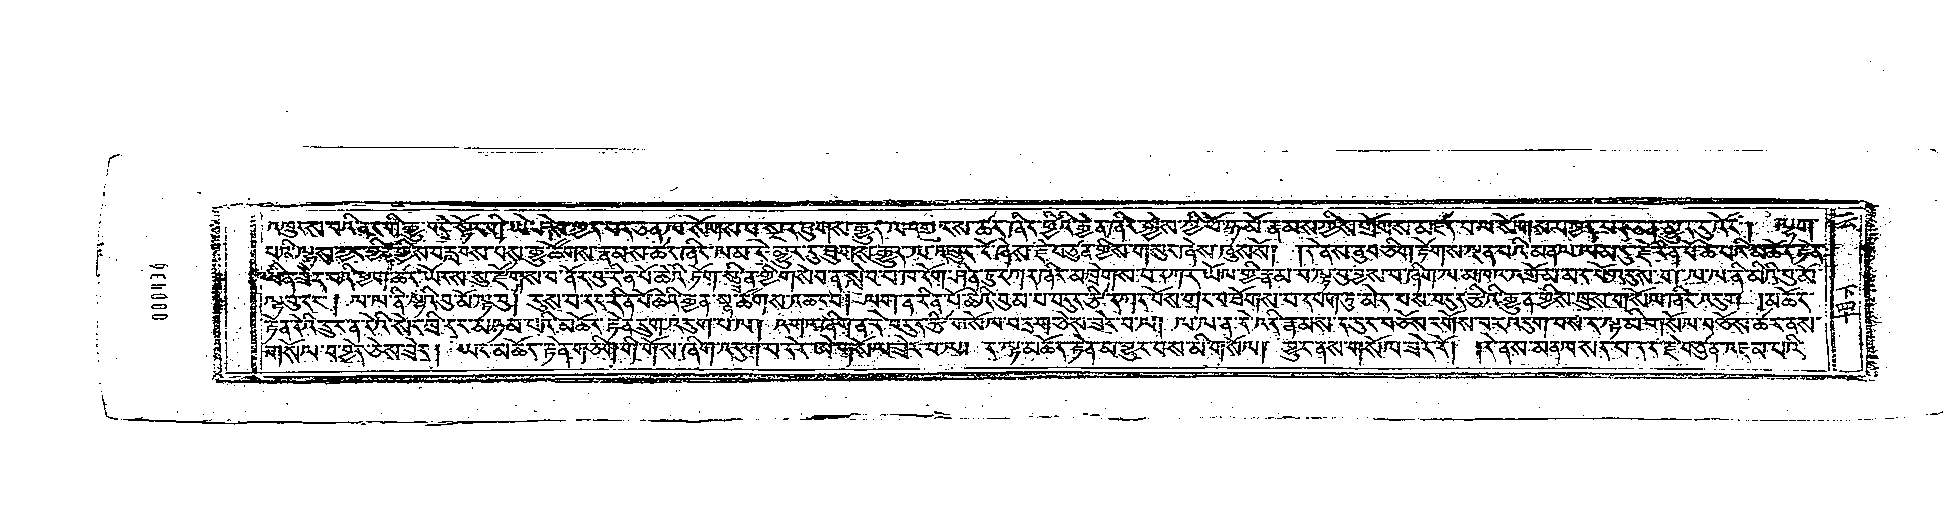འཁྲུངས་པའི་ནང་གི་རྒྱུ་བདེ་སྟོང་གི་ཡེ་ཤེས་ཁྱད་པར་ཅན་ལ་སོགས་པ་སྔར་ཐུགས་རྒྱུད་ལ་འགྲུངས་ཚར་ཞིང་ཕྱིའི་རྐྱེན་ཞིང་སྐྱེས་ཀྱི་ཕོ་ཉ་མོ་རྣམས་ཀྱིས་གྲོགས་མཛད་པ་ལ་སོགས་པ་ཁྱད་པ་ཅན་མྱུར་དུ་འོང་། ལྷག་
པའི་ལྷས་ཀྱང་བྱིན་གྱིས་བརླབས་པས་རྒྱུ་ཚོགས་རྣམས་ཚང་ཞིང་ལམ་དེ་མྱུར་དུ་ཐུགས་རྒྱུད་ལ་འཁྲུངས་ངོ་ཞེས་རྗེ་བཙུན་གྱིས་གསུང་ཞེས་ཞུས་སོ། །དེ་ནས་ནུབ་ཅིག་རྟོགས་ལྡན་པའི་མནལ་ལམ་དུ་རྗེ་རིན་པོ་ཆེ་བའི་མཆོད་རྟེན་
ཡིན་ཟེར་པའི་ཕྱག་ཚང་ཡོངས་སུ་རྫོགས་བ་ནོར་བུ་རིན་པོ་ཆེའི་ཏོག་སྤྲིན་གྱི་གསེབ་ན་སླེབ་པ་ཁ་དོག་ཤིན་ཏུ་དཀར་ཞིང་མཁྲེགས་པ་དཀར་ཡོལ་གྱི་རྣམ་བ་ལྟ་བུ་བྱས་པ་ཞིག་ལ་མཁའ་འགྲོ་མ་མང་པོས་འདུག་ག་ལ་ལ་ནི་མིའི་བུ་མོ་
ལྟ་བུ་དང་། ལ་ལ་ནི་ལྷའི་བུ་མོ་ལྟ་བུ། དུས་པ་དང་རིན་པོ་ཆེའི་རྒྱན་སྣ་ཚོགས་འཆང་བ། ལག་ན་རིན་པོ་ཆེའི་བུམ་པ་བདུད་རྩི་དཀར་བོས་གང་བ་ཐོགས་པ་དཔག་ཏུ་མེད་པས་བདུད་རྩིའི་རྒྱུན་གྱིས་ཁྲུས་གསོལ་ཞིང་འདུག །མཆོད་
རྟེན་དེའི་དྲུང་ན་དེའི་སེང་ཁྲི་དང་མཉམ་པའི་མཆོད་རྟེན་དྲུག་འདུག་པ་ལ། འགའ་ཞིག་ན་རེ་བདུད་རྩི་གསོལ་བ་དྲག་ཅེས་ཟེར་བ་ལ། ལ་ལ་ན་རེ་འདི་རྣམས་ད་དུང་བཅོས་དགོས་བར་འདུག་བས་ད་ལྟ་མི་གསོལ་བཅོས་ཚར་ནས་
གསོལ་བ་བྱེད་ཅེས་ཟེར། ཡང་མཆོད་རྟེན་གཅིག་གི་གོ་ས་ཞིག་འདུག་པ་དེར་ཨེ་གསོལ་ཟེར་པ་ལ། ད་ལྟ་མཆོད་རྟེན་མ་བྱུང་པས་མི་གསོལ། བྱུང་ནས་གསོལ་ཟེར་རོ། །དེ་ནས་མནལ་སད་པ་དང་རྗེ་བཙུན་འཇམ་པའི་